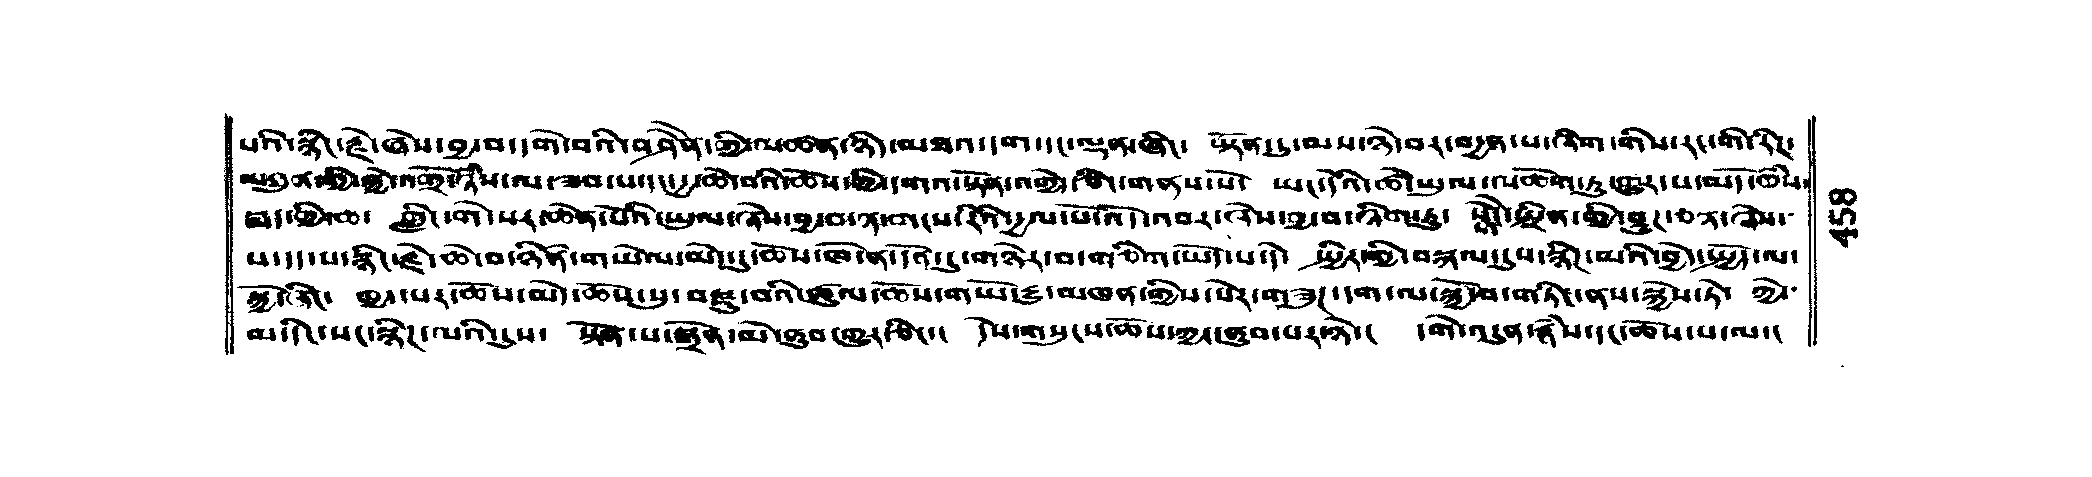པའི་སྙིང་རྗེ་ཞེས་བྱ་བ་དགེ་བའི་གཤེས་གཉེན་གྱི་མཚན་ཉིད་མཐའ་དག་དང་ལྡན་ཞིང་། ཡོན་ཏན་དུ་མས་ཉེ་བར་བརྒྱན་པ་ཞིག་གིས་རང་གི་རིགས་
མཐུན་གྱི་སྐྱེ་འགྲོ་རྣམས་ལ་ཟབ་པ་དང་རྒྱ་ཆེ་བའི་ཆོས་ཀྱི་དགའ་སྟོན་འགྱེད་ཅིང་གནས་སོ། ཡང་དེའི་ཚེ་ཡུལ་མཆོག་ཏུ་གྱུར་པ་མདོ་ཁམས་
སྨད་ཀྱི་ཆ། གླིང་གེ་སར་ཆེན་པོའི་ཡུལ་ཞེས་བྱ་བ་ན་གངས་རིའི་རྒྱལ་པོ་འོད་འབར་ཞེས་བྱ་བ་ཞིག་ཏུ། སེངྒེ་སྤྲིན་གྱི་ཤུགས་ཅན་ཞེས་
པ་དད་པ་སྙིང་རྗེ་ཆེ་བ་ཉིན་མཚན་གཡེལ་མེད་དུ་ཆོས་ཁོ་ན་དོན་དུ་གཉེར་བ་གཅིག་ཡོད་པ་དེ། སྤྱིར་གྱི་བསྐལ་དུས་སྙིགས་མའི་བྱེད་སྤྱོད་ལ་
སྐྱོ་ཞིང་། ཁྱད་པར་ཆོས་མེད་ཆོས་སུ་བརྫུ་བའི་ཚུལ་ཆོས་གཡོ་རྒྱུ་མཁན་གྱིས་སེར་གཟུགས་དག་ལ་སྐྱོ་བ་གཏིང་ནས་སྐྱེས་ཏེ། ཀྱེ་
མ་དིང་སང་སྙིགས་མའི་དུས། །སྟོན་པ་སྒྲོན་མེ་ནུབ་གྱུར་ཅིང་། །དེས་གསུངས་ཆོས་ཀྱང་ནུབ་པར་ཉེ། །དགེ་འདུན་རྣམས་དང་ཆོས་པ་ལ།